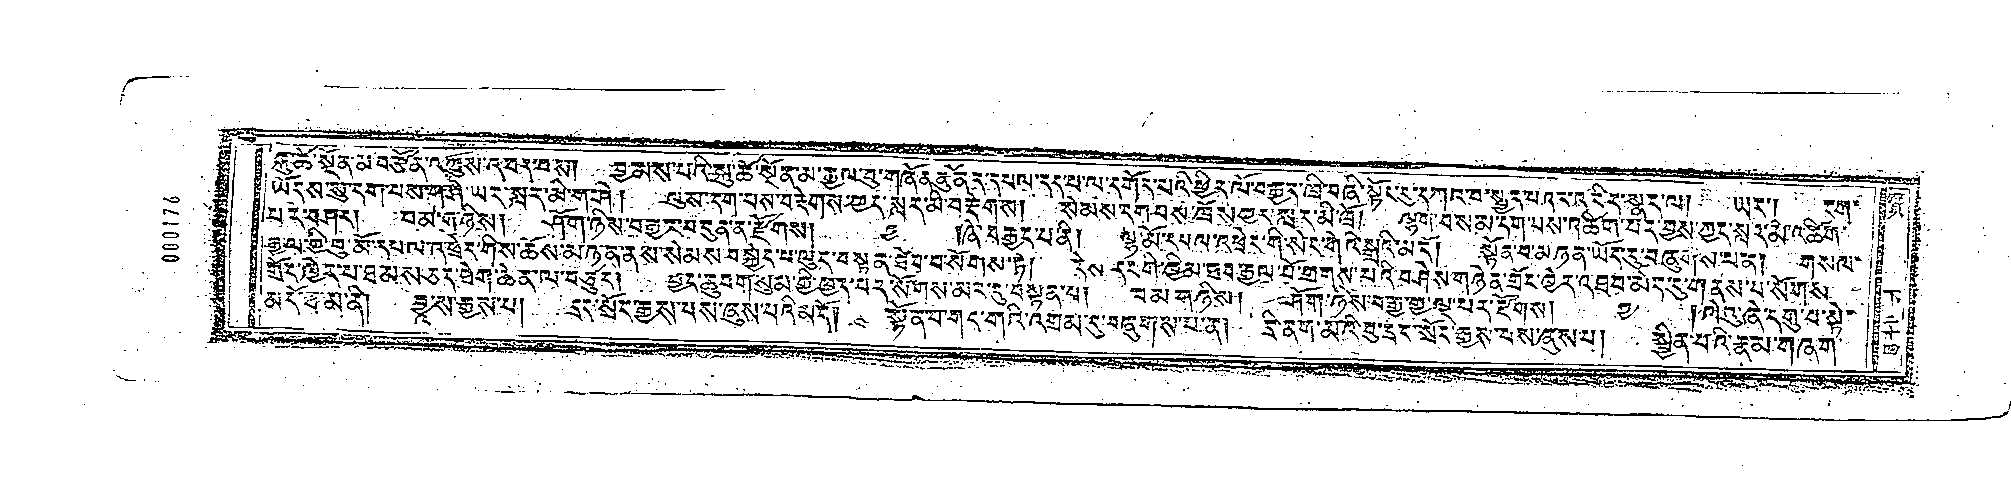སྐུ་ཚེ་སྔོན་མ་བརྩོན་འགྲུས་འབར་བས། བྱམས་པའི་སྐུ་ཚེ་སྔོན་མ་རྒྱལ་བུ་གཞོན་ནུ་ནོར་དཔལ་དད་པ་ལ་དགོད་པའི་ཕྱིར་ལོ་བརྒྱད་ཁྲི་བཞི་སྟོང་དུ་དཀའ་བ་སྤྱད་པའང་འདིར་སྣང་ལ། ཡང་། ངག་
ཡོངས་སུ་དག་པས་གཤེ་ཡང་སླར་མི་ག་ཤེ། ལུས་དག་པས་བརྡེགས་ཀྱང་སླར་མི་བརྡེགས། སེམས་དག་པས་ཁྲོས་ཀྱང་སླར་མི་ཁྲོ། ལྷག་བསམ་དག་པས་འཚིག་པར་བྱས་ཀྱང་སླར་མི་འཚིག་
པར་བཤང་། བམ་གཉིས། ཤོག་ཉིས་བརྒྱང་བདུན་ན་རྫོགས། ༧་།ཞེ་བརྒྱད་པ་ནི། ལྷ་མོ་དཔལ་འཕྲེང་གི་སེང་གེའི་སྒྲའི་མདོ། སྟོན་བ་མཉན་ཡོད་དུ་བཞུགས་པ་ན། གསལ་
རྒྱལ་གྱི་བུ་མོ་དཔལ་འཕྲེང་གིས་ཆོས་མཉན་ནས་སེམས་བསྐྱེད་པ་ལུང་བསྟན་ཐོབ་པ་སོགས་ཏེ། ངེས་རང་གི་ཁྱིམ་ཐབ་རྒྱལ་པོ་གྲགས་པའི་བཤེས་གཉེན་གྲོང་ཁྱེར་འཐབ་མེད་དུ་གནས་པ་སོགས་
གྲོང་ཁྱེར་པ་ཐམས་ཅད་ཐེག་ཆེན་ལ་བཙུད། བྱང་ཆུབ་གསུམ་གྱི་ཁྱད་པར་སོགས་མང་དུ་བསྟན་པ། བམ་གཉིས། ཤོག་ཉིས་བརྒྱ་གྱ་ལྔ་པར་རྫོགས། །ལེའུ་ཞེ་དགུ་པ་སྟེ་
མདོ་ཐ་མ་ནི། བྱཱ་ས་རྒྱས་པ། དྲང་སྲོང་རྒྱས་པས་ཞུས་པའི་མདོ། སྟོན་པ་གང་གའི་འགྲམ་དུ་བཞུགས་པ་ན། དྲི་ནག་མའི་བུ་དྲང་སྲོང་རྒྱས་པས་ཞུས་པ། སྦྱིན་པའི་རྣམ་གཞག་